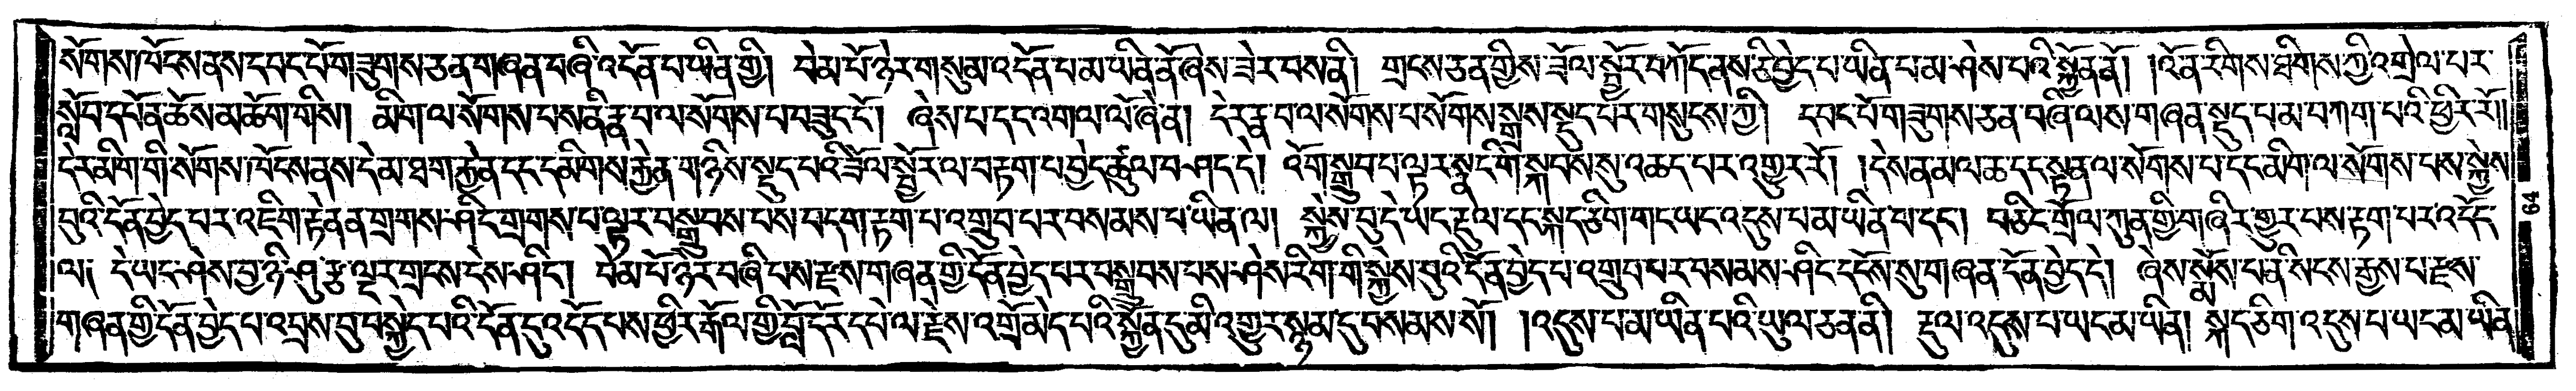སོགས་ཁོངས་ནས་དབང་པོ་གཟུགས་ཅན་གཞན་བཞི་འདོན་པ་ཡིན་གྱི། བེམ་པོ་ཉེར་གསུམ་འདོན་པ་མ་ཡིན་ནོ་ཞེས་ཟེར་བས་ནི། གྲངས་ཅན་གྱིས་ཟོལ་སྦྱོར་བཀོད་ནས་ཅི་བྱེད་པ་ཡིན་པ་མ་ཤེས་པའི་སྐྱོན་ནོ། །འོ་ན་རིགས་ཐིགས་ཀྱི་འགྲེལ་བར་
སློབ་དཔོན་ཆོས་མཆོག་གིས། མིག་ལ་སོགས་པས་ནི་རྣ་བ་ལ་སོགས་པ་བཟུང་ངོ། ཞེས་པ་དང་འགལ་ལོ་ཞེ་ན། དེར་རྣ་བ་ལ་སོགས་པ་སོགས་སྒྲས་སྡུད་པར་གསུངས་ཀྱི། དབང་པོ་གཟུགས་ཅན་བཞི་ལས་གཞན་སྡུད་པ་མ་བཀག་པའི་ཕྱིར་རོ།།
དེར་མིག་གི་སོགས་ཁོངས་ནས་དེ་མ་ཐག་རྐྱེན་དང་དམིགས་རྐྱེན་གཉིས་སྡུད་པའི་ཟོལ་སྦྱོར་ལ་བརྟག་པ་བྱེད་ཚུལ་བཤད་དེ། འོག་སྒྲུབ་པ་ལྟར་སྣང་གི་སྐབས་སུ་འཆད་པར་འགྱུར་རོ། །དེས་ན་མལ་ཆ་དང་སྟན་ལ་སོགས་པ་དང་མིག་ལ་སོགས་པས་སྐྱེས་
བུའི་དོན་བྱེད་པར་འཇིག་རྟེན་ན་གྲགས་ཤིང་གྲགས་པ་ལྟར་བསྒྲུབས་པས་བདག་རྟག་པ་འགྲུབ་པར་བསམས་པ་ཡིན་ལ། སྐྱེས་བུ་དེ་ཡང་རྡུལ་དང་སྐད་ཅིག་གང་ཡང་འདུས་པ་མ་ཡིན་པ་དང་། བཅིང་གྲོལ་ཀུན་གྱི་གཞིར་གྱུར་པས་རྟག་པར་འདོད་
ལ༑ དེ་ཡང་ཤེས་བྱ་ཉི་ཤུ་རྩ་ལྔར་གྲངས་ངེས་ཤིང་། བེམ་པོ་ཉེར་བཞི་པས་རྫས་གཞན་གྱི་དོན་བྱེད་པར་བསྒྲུབས་པས་ཤེས་རིག་གི་སྐྱེས་བུའི་དོན་བྱེད་པ་འགྲུབ་པར་བསམས་ཤིང་དངོས་སུ་གཞན་དོན་བྱེད་དེ། ཞེས་སྨོས་པ་ནི་སངས་རྒྱས་བ་རྫས་
གཞན་གྱི་དོན་བྱེད་པ་ལ་འབྲས་བུ་བསྐྱེད་པའི་དོན་དུ་འདོད་པས་ཕྱིར་རྒོལ་གྱི་བློ་དོར་དཔེ་ལ་རྗེས་འགྲོ་མེད་པའི་སྐྱོན་དུ་མི་འགྱུར་སྙམ་དུ་བསམས་སོ། །འདུས་པ་མ་ཡིན་པའི་ཡུལ་ཅན་ནི། རྡུལ་འདུས་པ་ཡང་མ་ཡིན། སྐད་ཅིག་འདུས་པ་ཡང་མ་ཡིན་